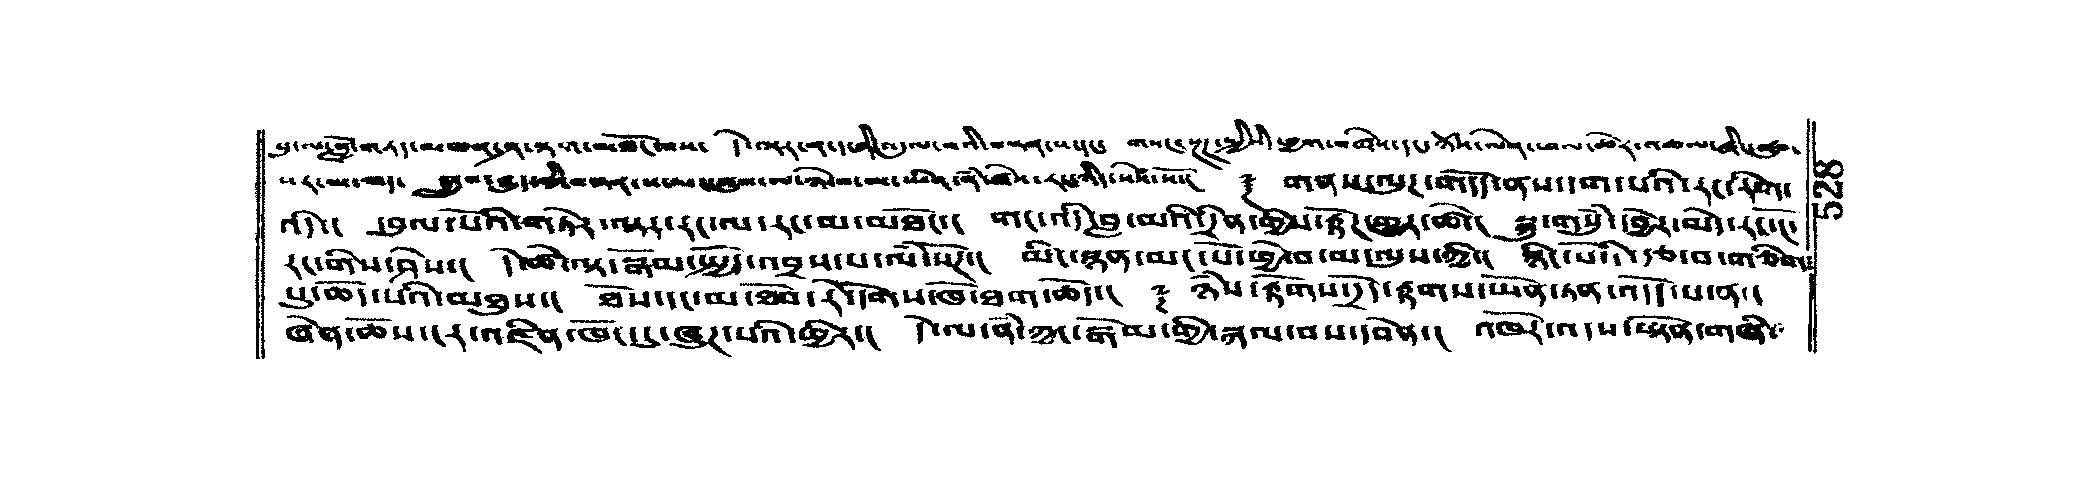པུ་ལ་བློ་གཏད་མཁན་ཤ་སྟག་མཐོང་བས། དེ་ལྟར་ན་ད་ནི་འདུལ་བའི་བསྟན་པ་དང་། གསང་སྔགས་སྤྱིའི་ཕྱག་བཞེས་དང་ཉམས་ལེན་ཕལ་ཆེར་འཆལ་ཞིང་ནུབ་
པར་མ་ཟད། སྒྲུབ་རྒྱུད་ཀྱི་བསྟན་པ་ཡང་ནུབ་ལ་ཉེ་བ་མ་ཡིན་ནམ་ཞེས་རང་ཉིད་སེམས་སོ། ༈ གནས་ལུགས་གདོད་ནས་དག་པའི་རང་རིག་
འདི། །དབུལ་པོའི་གཏེར་ལྟར་རང་ལ་རང་མ་མཐོང་། །གང་འདི་བླ་མའི་དྲིན་གྱིས་རྟོགས་གྱུར་ཚེ། །སྐུ་གསུམ་དབྱེར་མེད་རང་ངོ་
རང་གིས་ཤེས། །དེ་ཚེ་ལྟ་སྒོམ་སྤྱོད་འབྲས་ས་ལམ་སོགས། །མིང་སྙན་མང་པོར་ཕྱེ་བ་མ་ལུས་ཀྱི། །སྙིང་པོའི་རྩ་བ་གཅིག་
པུ་ཆོད་པའི་མཐུས། །ཐོབ་དང་མ་ཐོབ་རེ་དོགས་ཁོ་ཐག་ཆོད། ༈ ཉམས་རྟོགས་དྲོད་རྟགས་ཡོན་ཏན་འདོད་པ་ན། །
ཞེན་ཆོས་ངར་འཛིན་ཁོང་དུ་ཞུགས་པའི་ཕྱིར། །དེ་ལ་ནམ་ཀྱང་སྒོམ་གྱི་སྐལ་བས་དབེན། །འཁོར་འདས་ཡོན་ཏན་གཞི་ལ་